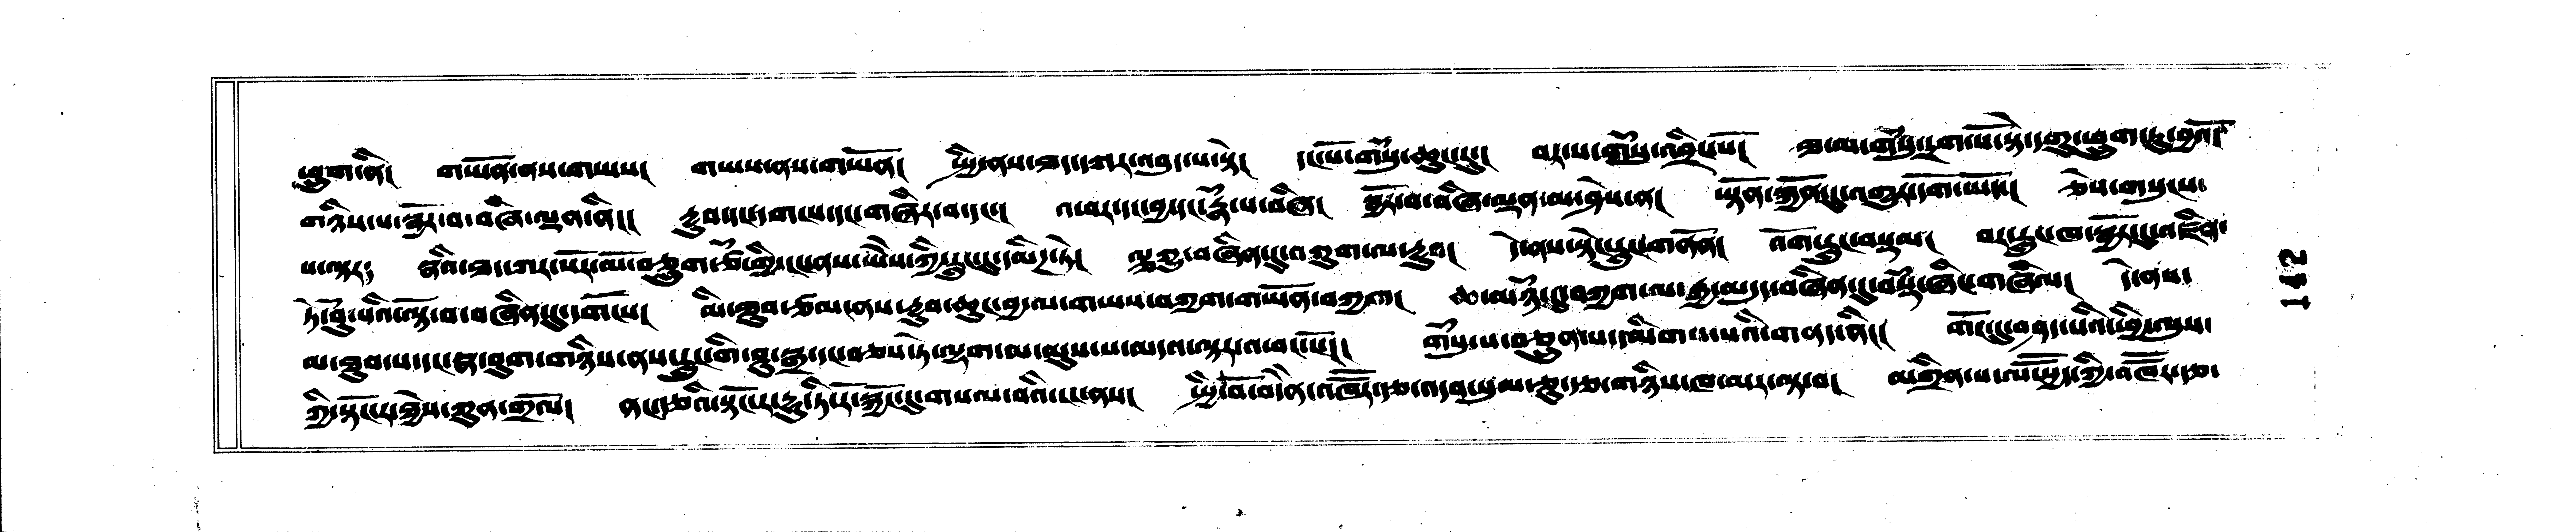ཕྲུག་ནི། གཡོན་ནས་གཡས། གཡས་ནས་གཡོན། སྤྱི་ནས་ཐད་ཀར་འབུད་པ་སྟེ། དང་པོ་གསུམ་ཆུང་ངུ་། བར་པ་གསུམ་འབྲིང་པོ། ཐ་མ་གསུམ་དྲག་པོ་སྟེ་དགུ་ཕྲུག་ཏུ་བྱའོ། །
གཉིས་པ་སྦྱོར་བ་བཞི་ལྡན་ནི། རྔུབ་དང་དགང་དང་གཞིལ་བ་དང་། འཕར་བ་དང་བྱ་དང་རྣམ་པ་བཞི། སྦྱོར་བ་བཞི་ལྡན་མ་ཤེས་ན། ཡོན་ཏན་སྐྱོན་དུ་འགྱུར་དོགས་ཡོད། །ཅེས་གསུངས་
པ་ལྟར། སྣའི་ཐད་ཀར་སོར་མོ་བཅུ་དྲུག་ཙམ་གྱི་ངང་ནས་ཡེ་ཤེས་ཀྱི་རླུང་དུ་དམིགས་ཏེ། ལྕཀྱུ་བཞིན་དུ་བཀུག་ལ་རྔུབ། དེ་ནས་སྟེང་རླུང་གནོན། འོག་རླུང་བསྡམ། བར་རླུང་ཁ་སྦྱོར་དུ་འཛིན་
ཏེ་བུམ་པའི་ལྟོ་བ་བཞིན་དུ་དགང་། མི་ཐུབ་ཙམ་ནས་རྔུབ་ཆུང་བྱ་ལ་གཡས་བཀྱག་གཡོན་བཀྱག ཆ་མཉམ་དུ་བཀྱག་ལ་རྒྱ་མདུད་བཞིན་དུ་བསྡམ་ཞིང་གཞིལ། དེ་ནས་
མ་ཐུབ་པ་དང་སྣ་བུག་གཉིས་ནས་རླུང་གི་ཤུད་སྒྲ་དང་བཅས་ཏེ་ལྷག་མ་ལུས་པ་མདའ་ལྟར་འཕང་ངོ་། །གསུམ་པ་བཅུ་དྲུག་པ་དམིགས་པའི་གནད་ནི། གོང་དུ་བཤད་པའི་ཕྱི་ལུས་
ཀྱི་སྟོང་ར་ཐུགས་རྗེ་ཀུན་གྲོལ། ནང་རྩ་ཡི་སྟོང་ར་དྷུ་ཏི་རོ་སྐྱོང་དུ་གསལ་བའི་ངང་ནས། སྤྱི་བོ་བདེ་ཆེན་འཁོར་ལོ་རྩ་འདབ་སུམ་ཅུ་རྩ་གཉིས་ཁ་མར་ལྟ་བ། མགྲིན་པ་ལོངས་སྤྱོད་ཀྱི་འཁོར་ལོ་རྩ་